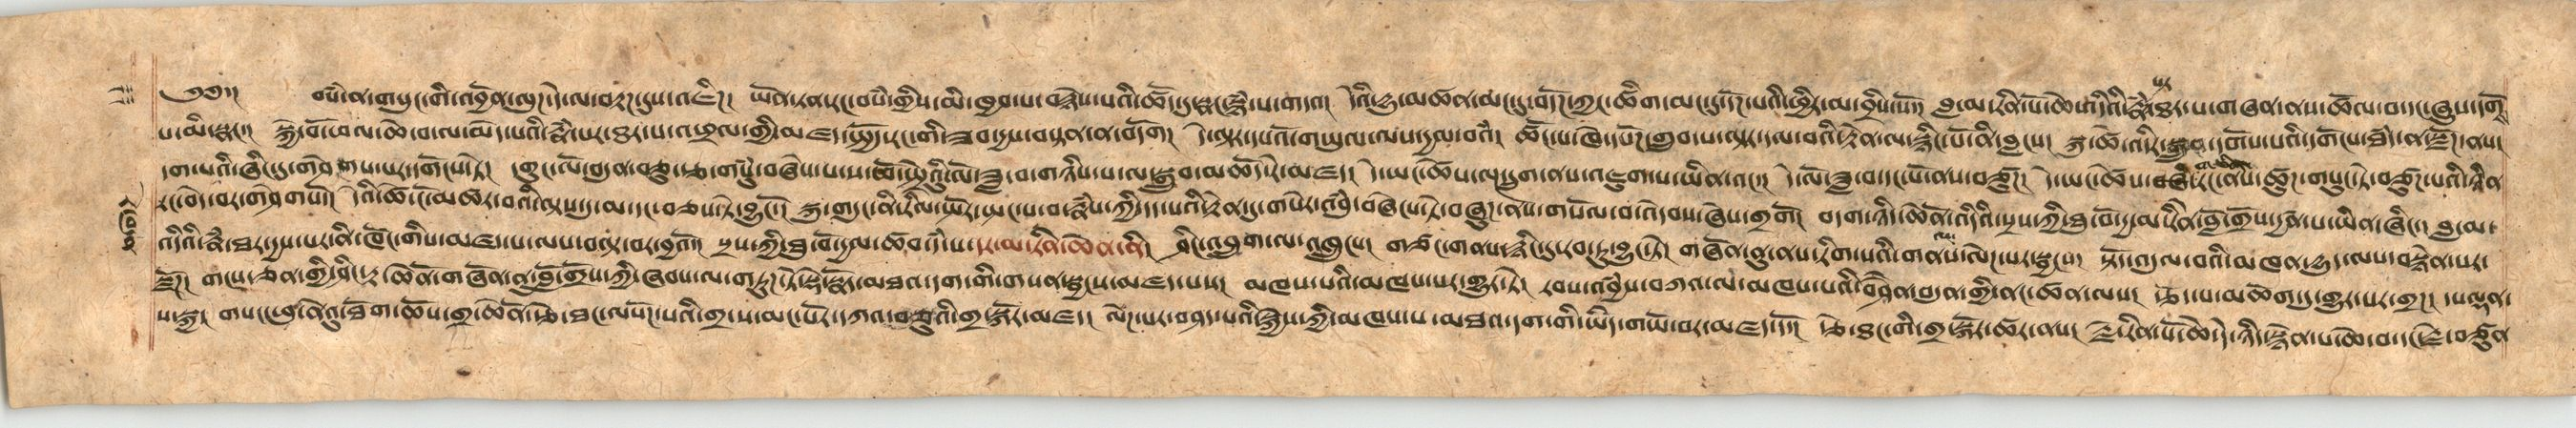༄༅་། བསཾ་ན་གསུང་གི་འབྱོན་ལུཌ་དེ་ལ་བརྟཌ་དུས་འཇིཌ། ཡོན་ཏན་རང་བསཾ་གྱིས་མི་ཁྱབ་པ་བརྙེས་པའི་ཚོད་དུ་སྣང་སྙཾ་པ་གདའ། དེའི་དྱུ་མཚན་མང་དུ་བོདཌ་ཀྱང་ཚིག་མང་དུ་དོཌ་པའི་ཕྱིར་མ་བྲིས་སོ་། བླ་མ་རིན་པོ་ཆེ་འདིའི་རྣཾ་ཐར་པ་གཞན་ནས་ཚོལ་བ་དང་ཞུས་དགོས
པ་མི་སྣང་། སྐྱེ་བོ་ཕལ་ཆེ་བ་ལ་མེད་པའི་རྣཾ་པར་ཐར་པ་འཕྲལ་གྱི་མཛད་སྤྱོད་རང་གི་ཟབ་དྱས་བསྟན་ན་བདོག། དེ་ལྟར་དཔའོ་གཡུལ་ལས་དྱལ་བའི། ཚོང་པ་ཁེ་དཔོཌ་གྲུབ་པ་ལྟར་དལ་བའི་རྟེན་ལ་སྙིང་པོ་ནི་བླངས། སྐུ་ཚེས་འདིར་སྒྲུབ་དགོས་པའི་དགོངས་ཐཾད་ན་སྫོཌ་ནས།
དག་པའི་ཞིང་དུ་གཤེགས་པར་དགོངས་ཏེ། དགུང་ལོ་བདུན་ཅུ་རྩ་གསུཾ་བཞེས་པ་ས་ཕོ་སྤྲེའུ་ལོ་ཟླ་བ་གཉིས་པ་ལ་སྒྲུབ་མཆོད་རེ་མཛད། དེ་ཡང་ཚེས་ལྔ་དྲུག་ནས་འཛུག་པ་ཡིན་འང་། དེ་ལོ་ཟླ་བ་དང་པོ་ནས་བཙུཌ། དེ་ཡང་ཚེས་བཞི་རིང་ནས་ཚུཌ་གསུང་ཏེ་བཙུཌ་པའི་ཉིན
རང་བདེ་བར་གཤེགསོ། དེའི་ཚེ་ངོ་མཚར་བའི་ལྟས་དུ་མ་དང་བཅས་སྟེ་བྱུངོ་། སྐུ་གདུང་ནི་རིལ་སྤོར་སྤངས་བ་རྣཾས་ཀྱི་དད་པའི་རྟེན་དུ་གསེར་འབུཾ་བཞེངས་ཏེ་བཞུཌ་ནས་གསོལ་བ་འདེབས་ཞེས་གྲགོ། བདག་ཉིད་ཆེནོ་འདིའི་སྲས་ཀྱི་ཐུ་བོ་དྱ་མ་རིནེ་བློ་གྲོས་དྱཚན་པ་ཡིན་ཞིང་། བླ་མ་
འདིའི་རྣཾ་ཐར་དྱས་པར་ནི་ཁོང་གིས་མཛད་པ་ལས་བལྟ་བར་བྱའོ། སྲས་ཀྱི་ཐུ་བོ་དྱལ་ཚབ་དཾ་པ་དར་མ་རིན་ཆེན་ནི། ཤིང་འབྲུག་ལ་འཁྲུངས། གཙང་གནས་རྙིང་དུ་རབ་ཏུ་བྱུང་ཏེ། གཞོན་ནུ་ནས་རིག་པའི་གནས་ལ་ལེཌ་པར་སྦྱངས། སྟོད་འདུལ་བའི་མཁན་དྱུད་ལས་བསྙེན་པར་
སྫོཌ། གངས་ཅན་གྱི་ཤིང་རྟ་ཆེནོ་གཞོན་ནུ་བློ་གྲོས་ཀྱི་ཞབས་ལ་གཏུཌ་ཏེ་སྡེ་སྣོད་མཐའ་དག་གི་གསན་སྦྱངས་མཛད་པས། མཁས་པའི་མཁས་པར་གྱུར་ཏེ། རབས་འབྱཾས་བཀའ་ལ་མཁས་པའི་བཤཻན་བདུན་གྱི་ནང་ཚན་ལས། རྩོད་པ་མཆོག་དུ་གྱུར་པར་གྲཌ། དཔལྡན་
ས་སྐྱ། གསང་ཕུ་ནེའུ་ཐོག་ཆོས་གྲ་ཆེནོ་རྩེ་ཐང་ལསོཌ་པའི་གྲ་ས་མང་པོར་དཀའ་བཅུའི་གྲ་སྐོར་མཛད། ལེཌ་པར་བཤད་པའི་སྐྱེས་ཀྱི་མཁས་པ་མཐའ་དག་གི་ཡིད་གཡོ་བར་མཛད་དོ་། རྩེ་ཐང་གི་གྲ་སྐོར་ཚར་ནས། རྗེ་རིན་པོ་ཆེ་དེ་ཉིད་སྙེན་པ་ཆེ་བ་དང་རྗེ་བཙུན